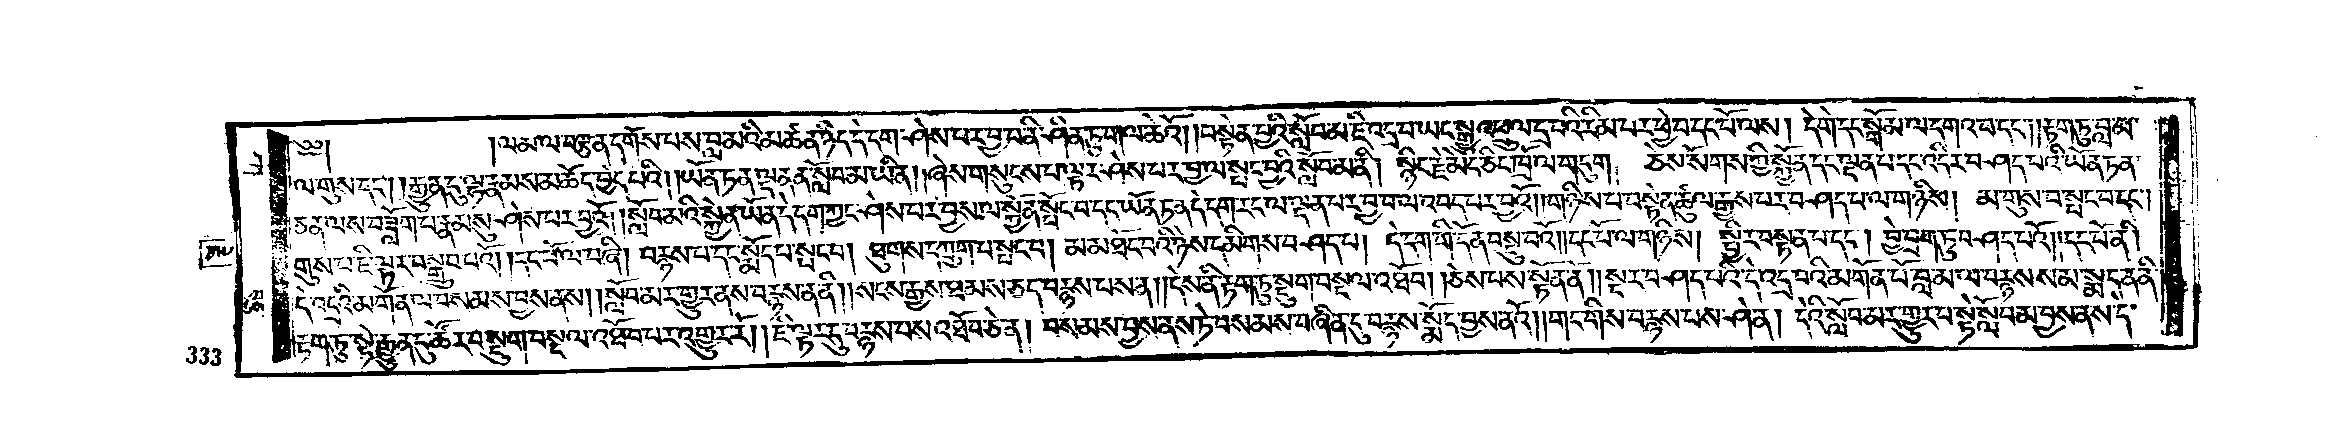༄༅། །ལམ་ལ་བརྩན་དགོས་པས་བླ་མའི་མཚན་ཉིད་དེ་དག་ཤེས་པར་བྱ་བ་ནི་ཤིན་ཏུ་གལ་ཆེའོ། །བསྟེན་བྱའི་སློབ་མ་ཇི་འདྲ་བ་ཡང་སྒྱུ་འཕྲུལ་དྲ་བའི་རིམ་པར་ཕྱེ་བ་དང་པོ་ལས། དེ་དགེ་དང་སྒོམ་ལ་དགའ་བ་དང་། །རྟག་ཏུ་བླ་མ་
ལ་གུས་དང་། །རྒྱུན་དུ་ལྷ་རྣམས་མཆོད་བྱེད་པའི། །ཡོན་ཏན་ལྡན་ན་སློབ་མ་ཡིན། །ཞེས་གསུངས་པ་ལྟར་ཤེས་པར་བྱ་ལ་སྤང་བྱའི་སློབ་མ་ནི། སྙིང་རྗེ་མེད་ཅིང་ཁྲོ་ལ་གདུག །ཅེས་སོགས་ཀྱི་སྐྱོན་དང་ལྡན་པ་དང་འདིར་བཤད་པའི་ཡོན་ཏན་
ཅན་ལས་བཟློག་པ་རྣམས་སུ་ཤེས་པར་བྱའོ། །སློབ་མའི་སྐྱེན་ཡོན་དེ་དག་ཀྱང་ཤེས་པར་བྱས་ལ་སྐྱོན་སྤོང་བ་དང་ཡོན་ཏན་དེ་དག་རང་ལ་ལྡན་པར་བྱ་བ་ལ་འབད་པར་བྱའོ། །གཉིས་པ་བསྟེན་ཚུལ་རྒྱས་པར་བཤད་པ་ལ་གཉིས། མ་གུས་བ་སྤང་བ་དང་།
གུས་པ་ཇི་ལྟར་བསྒྲུབ་པའོ། །དང་པོ་ལ་བཞི། བརྙས་པ་དང་སྨོད་པ་སྤང་བ། ཐུགས་དཀྲུག་པ་སྤང་བ། མ་མཐོང་བའི་ཉེས་དམིགས་བཤད་པ། དེ་དག་གི་དོན་བསྡུ་བའོ། །དང་པོ་ལ་གཉིས། སྤྱིར་བསྟན་པ་དང་། བྱེ་བྲག་ཏུ་བཤད་པའོ། །དང་པོ་ནི།
དེ་འདྲའི་མགོན་ལ་བསམས་བྱས་ནས། །སློབ་མར་གྱུར་ནས་བརྙས་ན་ནི། །སངས་རྒྱས་ཐམས་ཅད་བརྙས་པས་ན། །དེས་ནི་རྟག་ཏུ་སྡུག་བསྔལ་འཐོབ། །ཅེས་པས་སྟོན་ནོ། །སྔར་བཤད་པའི་དེ་འདྲ་བའི་མགོན་པོ་བླ་མ་ལ་བརྙས་སམ་སྨད་ན་ནི་
རྟག་ཏུ་སྟེ་རྒྱུན་དུ་ཚོར་བ་སྡུག་བསྔལ་འཐོབ་པར་འགྱུར་རོ། །ཇི་ལྟར་དུ་བརྙས་པས་འཐོབ་ཅེ་ན། བསམས་བྱས་ནས་ཏེ་བསམས་བཞིན་དུ་བརྙས་སྨོད་བྱས་ནའོ། །གང་གིས་བརྙས་པས་ཤེ་ན། དེའི་སློབ་མར་གྱུར་པ་སྟེ་སློབ་མ་བྱས་ནས་དེ་